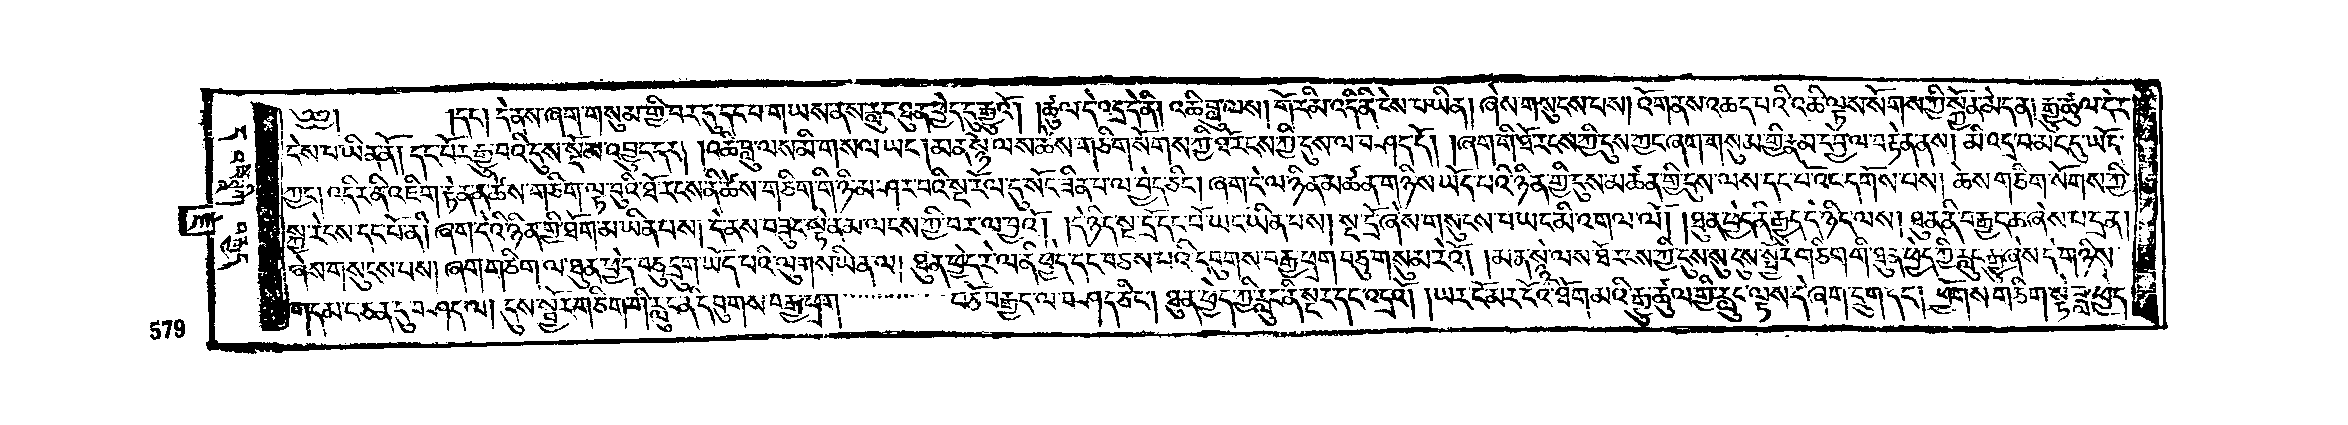༄༅། །དང་། དེ་ནས་ཞག་གསུམ་གྱི་བར་དུ་དང་པ་གཡས་ནས་རླུང་ཐུན་ཕྱེད་དུ་རྒྱུའོ། །ཚུལ་དེ་འདྲ་དེ་ནི། འཆི་བླུ་ལས། གོ་རིམ་འདི་ནི་ངེས་པ་ཡིན། ཞེས་གསུངས་པས། འོག་ནས་འཆད་པའི་འཆི་ལྟས་སོགས་ཀྱི་སྐྱོན་མེད་ན། རྒྱུ་ཚུལ་དེར་
ངེས་པ་ཡིན་ནོ། དང་པོར་རྒྱུ་བའི་དུས་སྡོམ་འབྱུང་དར། །འཆི་བླུ་ལས་མི་གསལ་ཡང་། མན་སྙེ་ལས་ཚེས་གཅིག་སོགས་ཀྱི་ཐོ་རངས་ཀྱི་དུས་ལ་བཤད་དོ། །ཞག་གི་ཐོ་རངས་ཀྱི་དུས་ཀྱང་ཞག་གསུམ་གྱི་རྣམ་དབྱེ་ལ་བརྟེན་ནས། མི་འདྲ་བ་མང་དུ་ཡོད་
ཀྱང་། འདིར་ནི་འཇིག་རྟེན་ན་ཚེས་གཅིག་ལྟ་བུའི་ཐོ་རངས་ནི་ཚེས་གཅིག་གི་ཉི་མ་ཤར་བའི་སྔ་རོལ་དུ་སོང་ཟིན་པ་ལ་བྱེད་ཅིང་། ཞག་དེ་ལ་ཉིན་མཚན་གཉིས་ཡོད་པའི་ཉིན་གྱི་དུས་མཚན་གྱི་དུས་ལས་དང་པོའང་དགོས་པས། ཚེས་གཅིག་སོགས་ཀྱི་
སྐྱ་རེངས་དང་པོ་ནི། ཞག་དེའི་ཉིན་གྱི་ཐོག་མ་ཡིན་པས། དེ་ནས་བཟུང་སྟེ་ནམ་ལངས་ཀྱི་བར་ལ་བྱའོ། །དེ་ཉིད་སྔ་དྲོ་དང་པོ་ཡང་ཡིན་པས། སྔ་དྲོ་ཞེས་གསུངས་པ་ཡང་མི་འགལ་ལོ། །ཐུན་ཕྱེད་ནི་རྒྱུད་དེ་ཉིད་ལས། ཐུན་ནི་བརྒྱད་ཆ་ཞེས་པ་དྲན།
ཞེས་གསུངས་པས། ཞག་གཅིག་ལ་ཐུན་ཕྱེད་བཅུ་དྲུག་ཡོད་པའི་ལུགས་ཡིན་ལ། ཐུན་ཕྱེད་རེ་ལ་ནི་ཕྱེད་དང་བཅས་པའི་དབུགས་བརྒྱ་ཕྲག་བཅུ་གསུམ་རེའོ། །མན་སྙེ་ལས་ཐོ་རངས་ཀྱི་དུས་སུ་དུས་སྦྱོར་གཅིག་གི་ཐུན་ཕྱེད་ཀྱི་རླུང་རྒྱུ་ཞེས་དེ་གཉིས་
གདམ་ང་ཅན་དུ་བཤད་ལ། དུས་སྦྱོར་གཅིག་གི་རླུང་ནི་དབུགས་བརྒྱ་ཕྲག་བཅོ་བརྒྱད་ལ་བཤད་ཅིང་། ཐུན་ཕྱེད་ཀྱི་རླུང་ནི་སྔར་དང་འདྲའོ། །ཡར་ངོ་མར་ངོའི་ཐོག་མའི་རྒྱུ་ཚུལ་གྱི་རླུང་ལྟས་དེ་ཞག་དྲུག་དང་། ཕྱོགས་གཅིག་སྟེ་ཟླ་ཕྱེད་